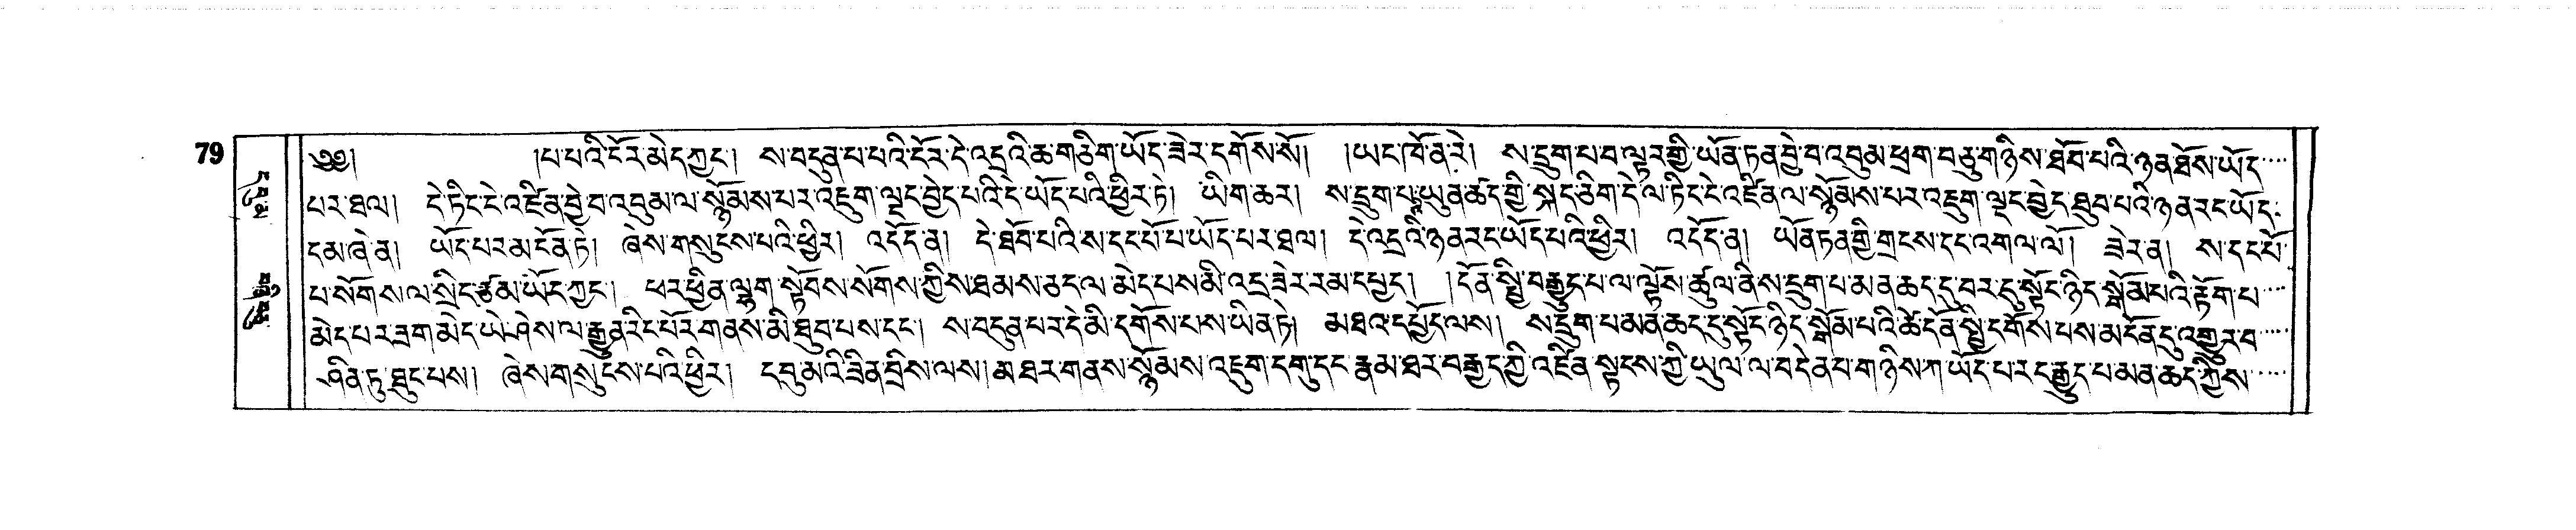༄༅། །པ་པའི་ངོར་མེད་ཀྱང་། ས་བདུན་པ་པའི་ངོར་དེ་འདྲའི་ཆ་གཅིག་ཡོད་ཟེར་དགོས་སོ། །ཡང་ཁོ་ན་རེ། ས་དྲུག་པ་བ་ལྟར་གྱི་ཡོན་ཏན་བྱེ་བ་འབུམ་ཕྲག་བཅུ་གཉིས་ཐོབ་པའི་ཉན་ཐོས་ཡོད་
པར་ཐལ། དེ་ཏིང་ངེ་འཛིན་བྱེ་བ་འབུམ་ལ་སྙོམས་པར་འཇུག་ལྡང་བྱེད་པའི་དེ་ཡོད་པའི་ཕྱིར་ཏེ། ཡིག་ཆར། ས་དྲུག་པའི་ཡུན་ཚད་གྱི་སྐད་ཅིག་དེ་ལ་ཏིང་ངེ་འཛིན་ལ་སྙོམས་པར་འཇུག་ལྡང་བྱེད་ཐུབ་པའི་ཉན་རང་ཡོད་
དམ་ཞེ་ན། ཡོད་པར་མངོན་ཏེ། ཞེས་གསུངས་པའི་ཕྱིར། འདོད་ན། དེ་ཐོབ་པའི་ས་དང་པོ་པ་ཡོད་པར་ཐལ། དེ་འདྲའི་ཉན་རང་ཡོད་པའི་ཕྱིར། འདོད་ན། ཡོན་ཏན་གྱི་གྲངས་དང་འགལ་ལོ། ཟེར་ན། ས་དང་པོ་
པ་སོགས་ལ་སྲིད་ཙམ་ཡོད་ཀྱང་། ཕར་ཕྱིན་ལྷག་སྟོབས་སོགས་ཀྱིས་ཐམས་ཅད་ལ་མེད་པས་མི་འདྲ་ཟེར་རམ་དཔྱད། །དོན་སྤྱི་བརྒྱུད་པ་ལ་ལྟོས་ཚུལ་ནི་ས་དྲུག་པ་མན་ཆད་དུ་བར་དུ་སྟོང་ཉིད་སྒོམ་པའི་རྟོག་པ་
མེད་པར་ཟག་མེད་ཡེ་ཤེས་ལ་རྒྱུན་རིང་པོར་གནས་མི་ཐུབ་པས་དང་། ས་བདུན་པར་དེ་མི་དགོས་པས་ཡིན་ཏེ། མཐའ་དཔྱོད་ལས། ས་དྲུག་པ་མན་ཆད་དུ་སྟོང་ཉིད་སྒོམ་པའི་ཚེ་དོན་སྤྱི་དགོས་པས་མངོན་དུ་འགྱུར་བ་
ཤིན་ཏུ་ཐུང་པས། ཞེས་གསུངས་པའི་ཕྱིར། དབུ་མའི་ཟིན་བྲིས་ལས། མཐར་གནས་སྙོམས་འཇུག་དགུ་དང་རྣམ་ཐར་བརྒྱད་ཀྱི་འཛིན་སྟངས་ཀྱི་ཡུལ་ལ་བདེན་པ་གཉིས་ཀ་ཡོད་པ་རང་རྒྱུད་པ་མན་ཆད་ཀྱིས་